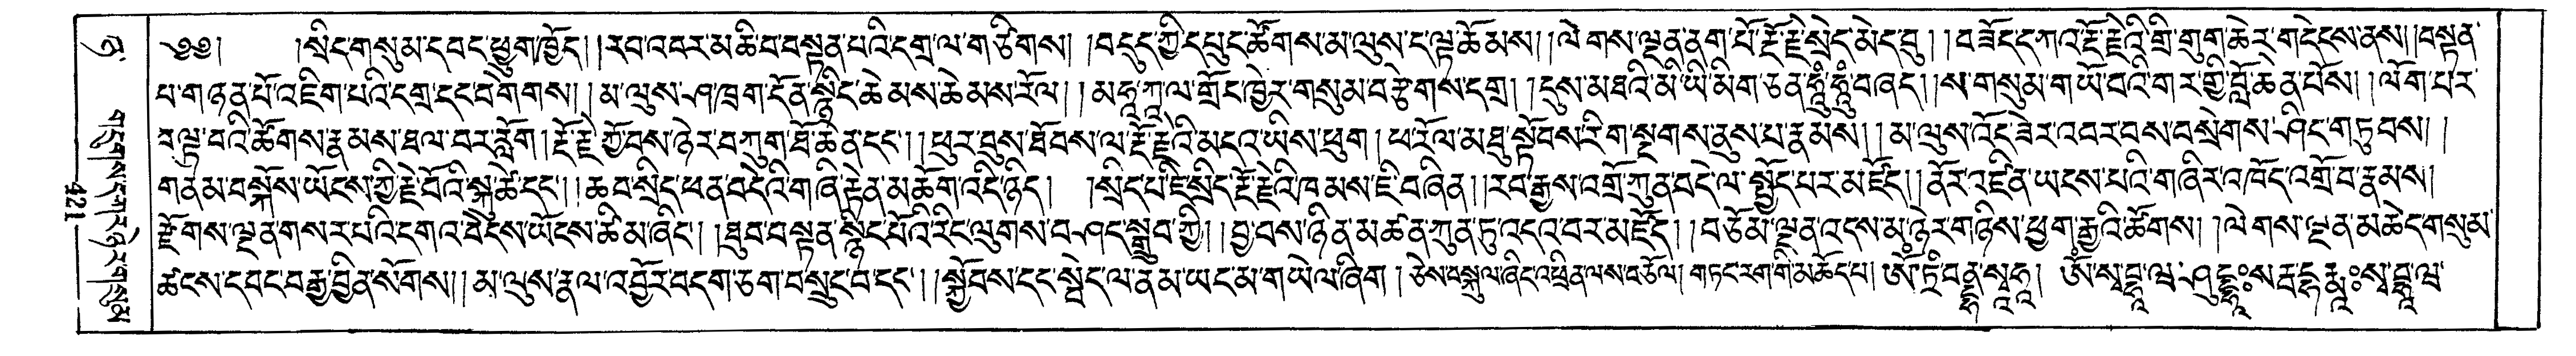༄༅། །སྲིད་གསུམ་དབང་ཕྱུག་ཁྱོད། །རབ་འབར་མཆེ་བ་བསྟན་པའི་དགྲ་ལ་གཙིགས། །བདུད་ཀྱི་དཔུང་ཚོགས་མ་ལུས་ད་ལྟ་ཆོམས། །ལེགས་ལྡན་ནག་པོ་རྡོ་རྗེ་སྲེང་མེད་བུ། །བཟོད་དཀའ་རྡོ་རྗེའི་གྲི་གུག་ཆེར་གདེངས་ནས། །བསྟན་
པ་གཉན་པོ་འཇིག་པའི་དགྲ་དང་བགེགས། །མ་ལུས་ཤ་ཁྲག་དོན་སྙིང་ཆེམས་ཆེམས་རོལ། །མཧཱ་ཀཱ་ལ་གྲོང་ཁྱེར་གསུམ་བརྩེགས་དགྲ། །དུས་མཐའི་མེ་ཡི་མིག་ཅན་ཧཱུཾ་ཧཱུཾ་བཞད། །ས་གསུམ་གཡོ་བའི་གར་གྱི་བྲོ་ཆེན་པོས། །ལོག་པར་
བལྟ་བའི་ཚོགས་རྣམས་ཐལ་བར་རློག །རྡོ་རྗེ་ཀྱོ་བས་ཉེར་བཀུག་ཐོ་ཆེན་དང་། །ཕུར་བུས་ཐོབས་ལ་རྡོ་རྗེའི་མདའ་ཡིས་ཕུག །ཕ་རོལ་མཐུ་སྟོབས་རིག་སྔགས་ནུས་བ་རྣམས། །མ་ལུས་འོད་ཟེར་འབར་བས་བསྲེགས་ཤིང་གཏུབས། །
གནམ་བསྐོས་ཡོངས་ཀྱི་རྗེ་བོའི་སྐུ་ཚེ་དང་། །ཆབ་སྲིད་ཕན་བདེའི་གཞི་རྟེན་མཆོག་འདི་ཉིད། །སྲིད་པ་ཇི་སྲིད་རྡོ་རྗེའི་ཁམས་ཇི་བཞིན། །རབ་རྒྱས་འགྲོ་ཀུན་བདེ་ལ་སྤྱོད་པར་མཛོད། །ནོར་འཛིན་ཡངས་པའི་གཞིར་འཁོད་འགྲོ་བ་རྣམས། །
རྫོགས་ལྡན་གསར་པའི་དགའ་བདེས་ཡོངས་ཚིམ་ཞིང་། །ཐུབ་བསྟན་སྙིང་པོའི་རིང་ལུང་བཤད་སྒྲུབ་ཀྱི། །བྱ་བས་ཉིན་མཚན་ཀུན་ཏུ་འདའ་བར་མཛོད། །བཅོམ་ལྡན་འདས་མ་ཉེར་གཉིས་ཕྱག་རྒྱའི་ཚོགས། །ལེགས་ལྡན་མཆེད་གསུམ་
ཚངས་དབང་བརྒྱ་བྱིན་སོགས། །མ་ལུས་རྣལ་འབྱོར་བདག་ཅག་བསྲུང་བ་དང་། །སྐྱོབས་དང་སྦེད་ལ་ནམ་ཡང་མ་གཡེལ་ཞིག་།ཅེས་བསྐུལ་ཞིང་འཕྲིན་ལས་བཅོལ། གཏང་རག་གི་མཆོད་པ།  ཨོཾ་ཏྲཾ་བནྡྷ་སྭཱཧཱ། ཨོཾ་སྭ་བྷཱ་ཝ་ཤུདྡྷཱཿསརྦ་དྷརྨཱཿསྭ་བྷཱ་ཝ་